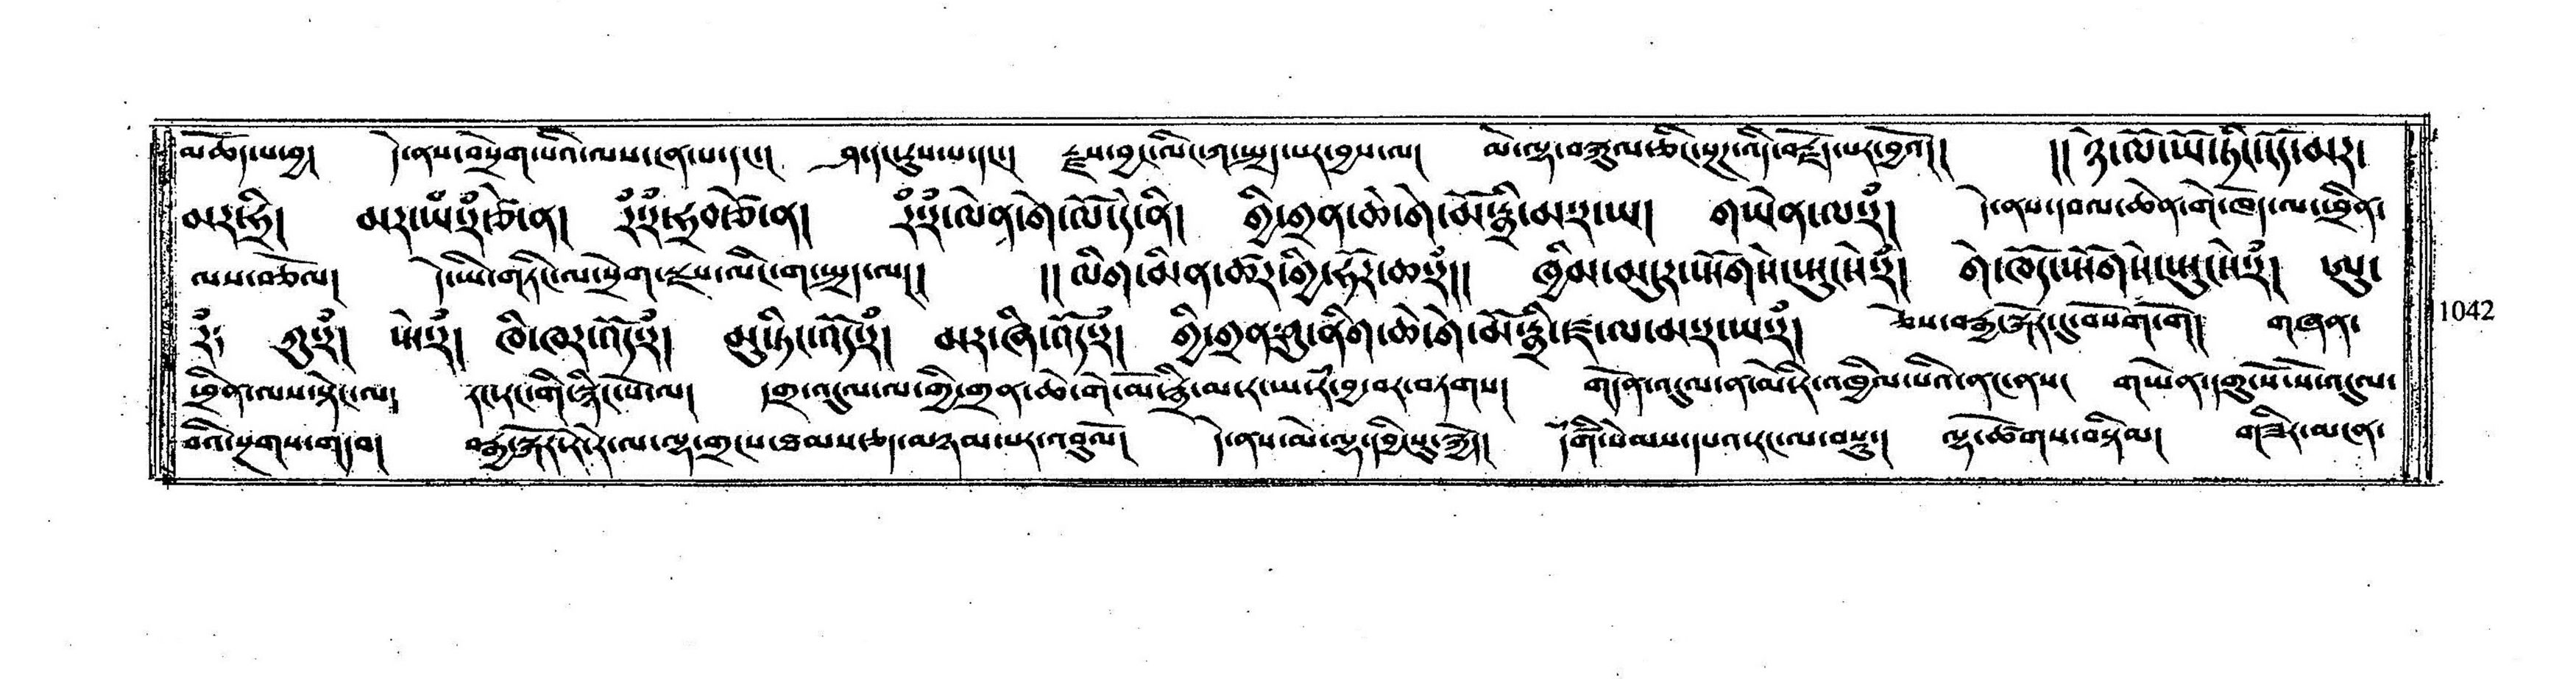མཆོད་པ་བྱ། དེ་ནས་བསྲེག་པའི་ལས་ངན་པ་དང་། ཤ་དང་རུས་པ་དང་། རྫས་བྱང་ལིང་ཀ་སྤྲད་པར་བྱས་ལ། མེ་ལྷ་བསྐུལ་ཅིང་སྔགས་འདི་བརྗོད་པར་བྱའོ།། །།ཉེ་ལོ་ཡོ་ཏིང་ངོད་མར་
མར་ཧྲི། མར་ཡཾ་རཾ་ཙེ་ན། རཾ་རཾ་ཧྲབ་ཙེ་ན། རཾ་རཾ་ལེན་གེ་ལོ་དེ་ནི གྱི་གྲན་ཆེ་གེ་མོ་རྣྲི་མ་ར་ཡ། གཡེན་ལ་རཾ། དེ་ནས་དབལ་ཆེན་གེ་ཁོད་ལ་ཕྲིན་
ལས་བཅོལ། དེ་ཡི་གཏིང་ལ་སྲེག་རྫས་ལིང་ག་སྤྲད་ལ།། །།ལིག་མིན་ཚར་གྱི་ཧོར་ཆ་རཾ།། ཁྱིམ་མདུར་སྤོགསེ་སྤུངསེ་རཾ། གེ་ཁོད་སྤོགསེ་སྤུངསེ་རཾ། ཨུ་
རཾ། ཀུ་རཾ། སྤེ་རཾ། ཁི་ཁར་འོད་རཾ། མུ་ཏིང་འོད་རཾ། མར་ཞི་འོད་རཾ། གྱི་གྲན་ཤུ་ནིག་ཆེ་གེ་མོ་རྣྲི་ཛ་ལ་མ་ར་ཡ་རཾ། ཅེས་བརྒྱ་སྐོར་དུ་བསག་གོ། གཞན་
ཕྲིན་ལས་སྟེང་ལ། རང་རང་གི་སྙིང་པོ་ལ། དགྲ་འདུལ་ལ་གྱི་གྲན་ཆེ་གེ་མོ་རྣྲི་མ་ར་ཡ་རཾ་བྱ་བར་བཏགས། གདོན་འདུལ་ན་མེ་རི་འཁྱིལ་པའི་ནང་ནས། གཡེན་དགུ་སོ་སོ་འདུལ་
བའི་སྔགས་གདབ། བརྒྱ་སྐོར་རེ་རེ་ལ་ལྷ་གྲངས་ཐམས་ཅད་མཉམ་པར་འབུལ་ལོ། དེ་ནས་མེ་ལྷ་དབྱིངས་སུ་སྐྱོད། དམ་ཚིག་སེམས་དཔའ་རང་ལ་བསྡུ། ལྷ་ཚོགས་བསྟིམ། གཟིར་མནན་